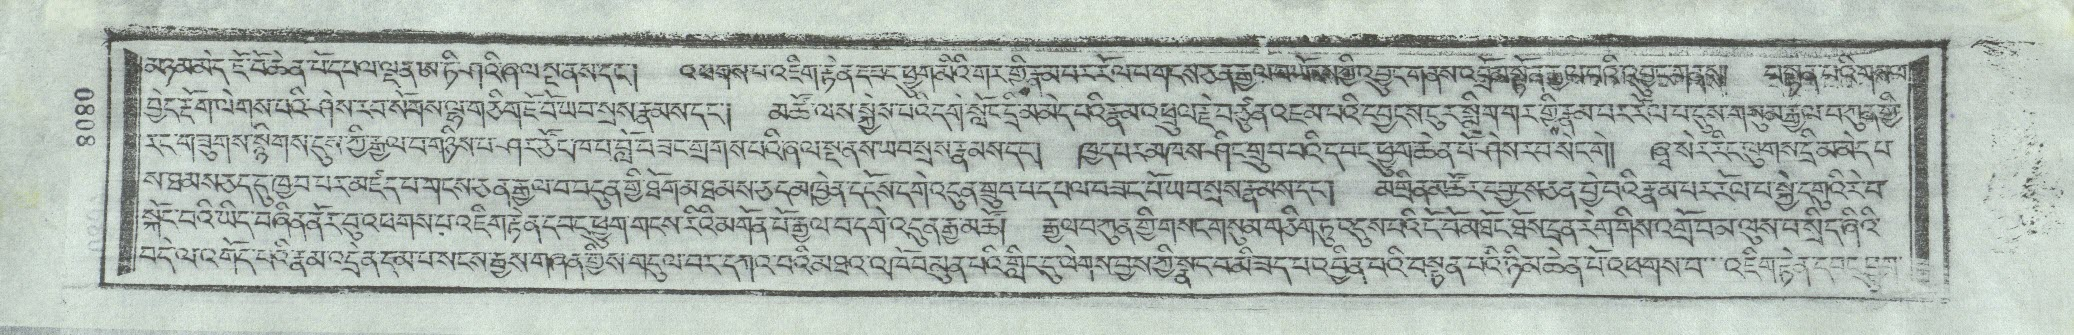མཉམ་མེད་ཇོ་བོ་ཆེན་པོ་དཔལ་ལྡན་ཨ་ཏི་ཤའི་ཞལ་སྔ་ནས་དང་། འཕགས་པ་འཇིག་རྟེན་དབང་ཕྱུག་མིའི་གར་གྱི་རྣམ་པར་རོལ་གངས་ཅན་རྒྱལ་བ་ཡོངས་ཀྱི་འབྱུང་གནས་འབྲོམ་སྟོན་རྒྱལ་བའི་འབྱུང་གནས། བསྟན་པའི་སལ་
བྱེད་རྡོག་ལེགས་པའི་ཤེས་རབ་སོགས་ལྷ་གཅིག་ཇོ་བོ་ཡབ་སྲས་རྣམས་དང་། མཚོ་ལས་སྐྱེས་པའི་དགེ་སློང་དྲི་མ་མེད་པའི་རྣམ་འཕྲུལ་རྗེ་བཙུན་འཇམ་པའི་དབྱངས་ངུར་སྨིག་གར་གྱི་རྣམ་པར་རོལ་པ་དུས་གསུམ་རྒྱལ་བ་ཀུན་གྱི་
རང་གཟུགས་སྙིགས་དུས་ཀྱི་རྒྱལ་བ་གཉིས་པ་ཤར་ཙོང་ཁ་བ་བློ་བཟང་གྲགས་པའི་ཞལ་སྔ་ནས་ཡབ་སྲས་རྣམས་དང་། ཁྱད་པར་མཁས་ཤིང་གྲུབ་པའི་དབང་ཕྱུག་ཆེན་པོ་ཤེས་རབ་སེང་གེ། ཞྭ་སེར་རིང་ལུགས་དྲི་མེད་པ་
ས་ཐམས་ཅད་དུ་ཁྱབ་པར་མཛད་པ་གངས་ཅན་རྒྱལ་བ་བདུན་གྱི་ཐོག་མ་ཐམས་ཅད་མཁྱེན་དངོས་དགེ་འདུན་གྲུབ་པ་དཔལ་བཟང་པོ་ཡབ་སྲས་རྣམས་དང་། མགྲིན་མཚོར་དབྱངས་ཅན་བྱེད་པའི་རྣམ་པར་རོལ་བསྐྱེ་དགུའི་རེ་བ་
སྐོང་བའི་ཡིད་བཞིན་ནོར་བུ་འཕགས་པ་འཇིག་རྟེན་དབང་ཕྱུག་གངས་རིའི་མགོན་པོ་རྒྱལ་བ་དགེ་འདུན་རྒྱ་མཚོ། རྒྱལ་བ་ཀུན་གྱི་གསང་གསུམ་གཅིག་ཏུ་འདུས་པའི་ངོ་བོ་མཐོང་ཐོས་དྲན་རེག་གིས་འགྲོ་བ་མ་ལུས་པ་སྲིད་ཞིའི་
བདེ་ལ་འགོད་པའི་རྣམ་འདྲེན་དམ་པ་སངས་རྒྱས་གཞན་གྱིས་གདུལ་བར་དཀའ་བའི་མཐའ་འཁོབ་མུན་པའི་གླིང་དུ་ལེགས་བྱས་ཀྱི་སྣང་བ་མི་ཟད་པ་འབྱིན་པའི་བསྟན་པའི་ཉི་མ་ཆེན་པོ་འཕགས་པ་འཇིག་རྟེན་དབང་ཕྱུག་